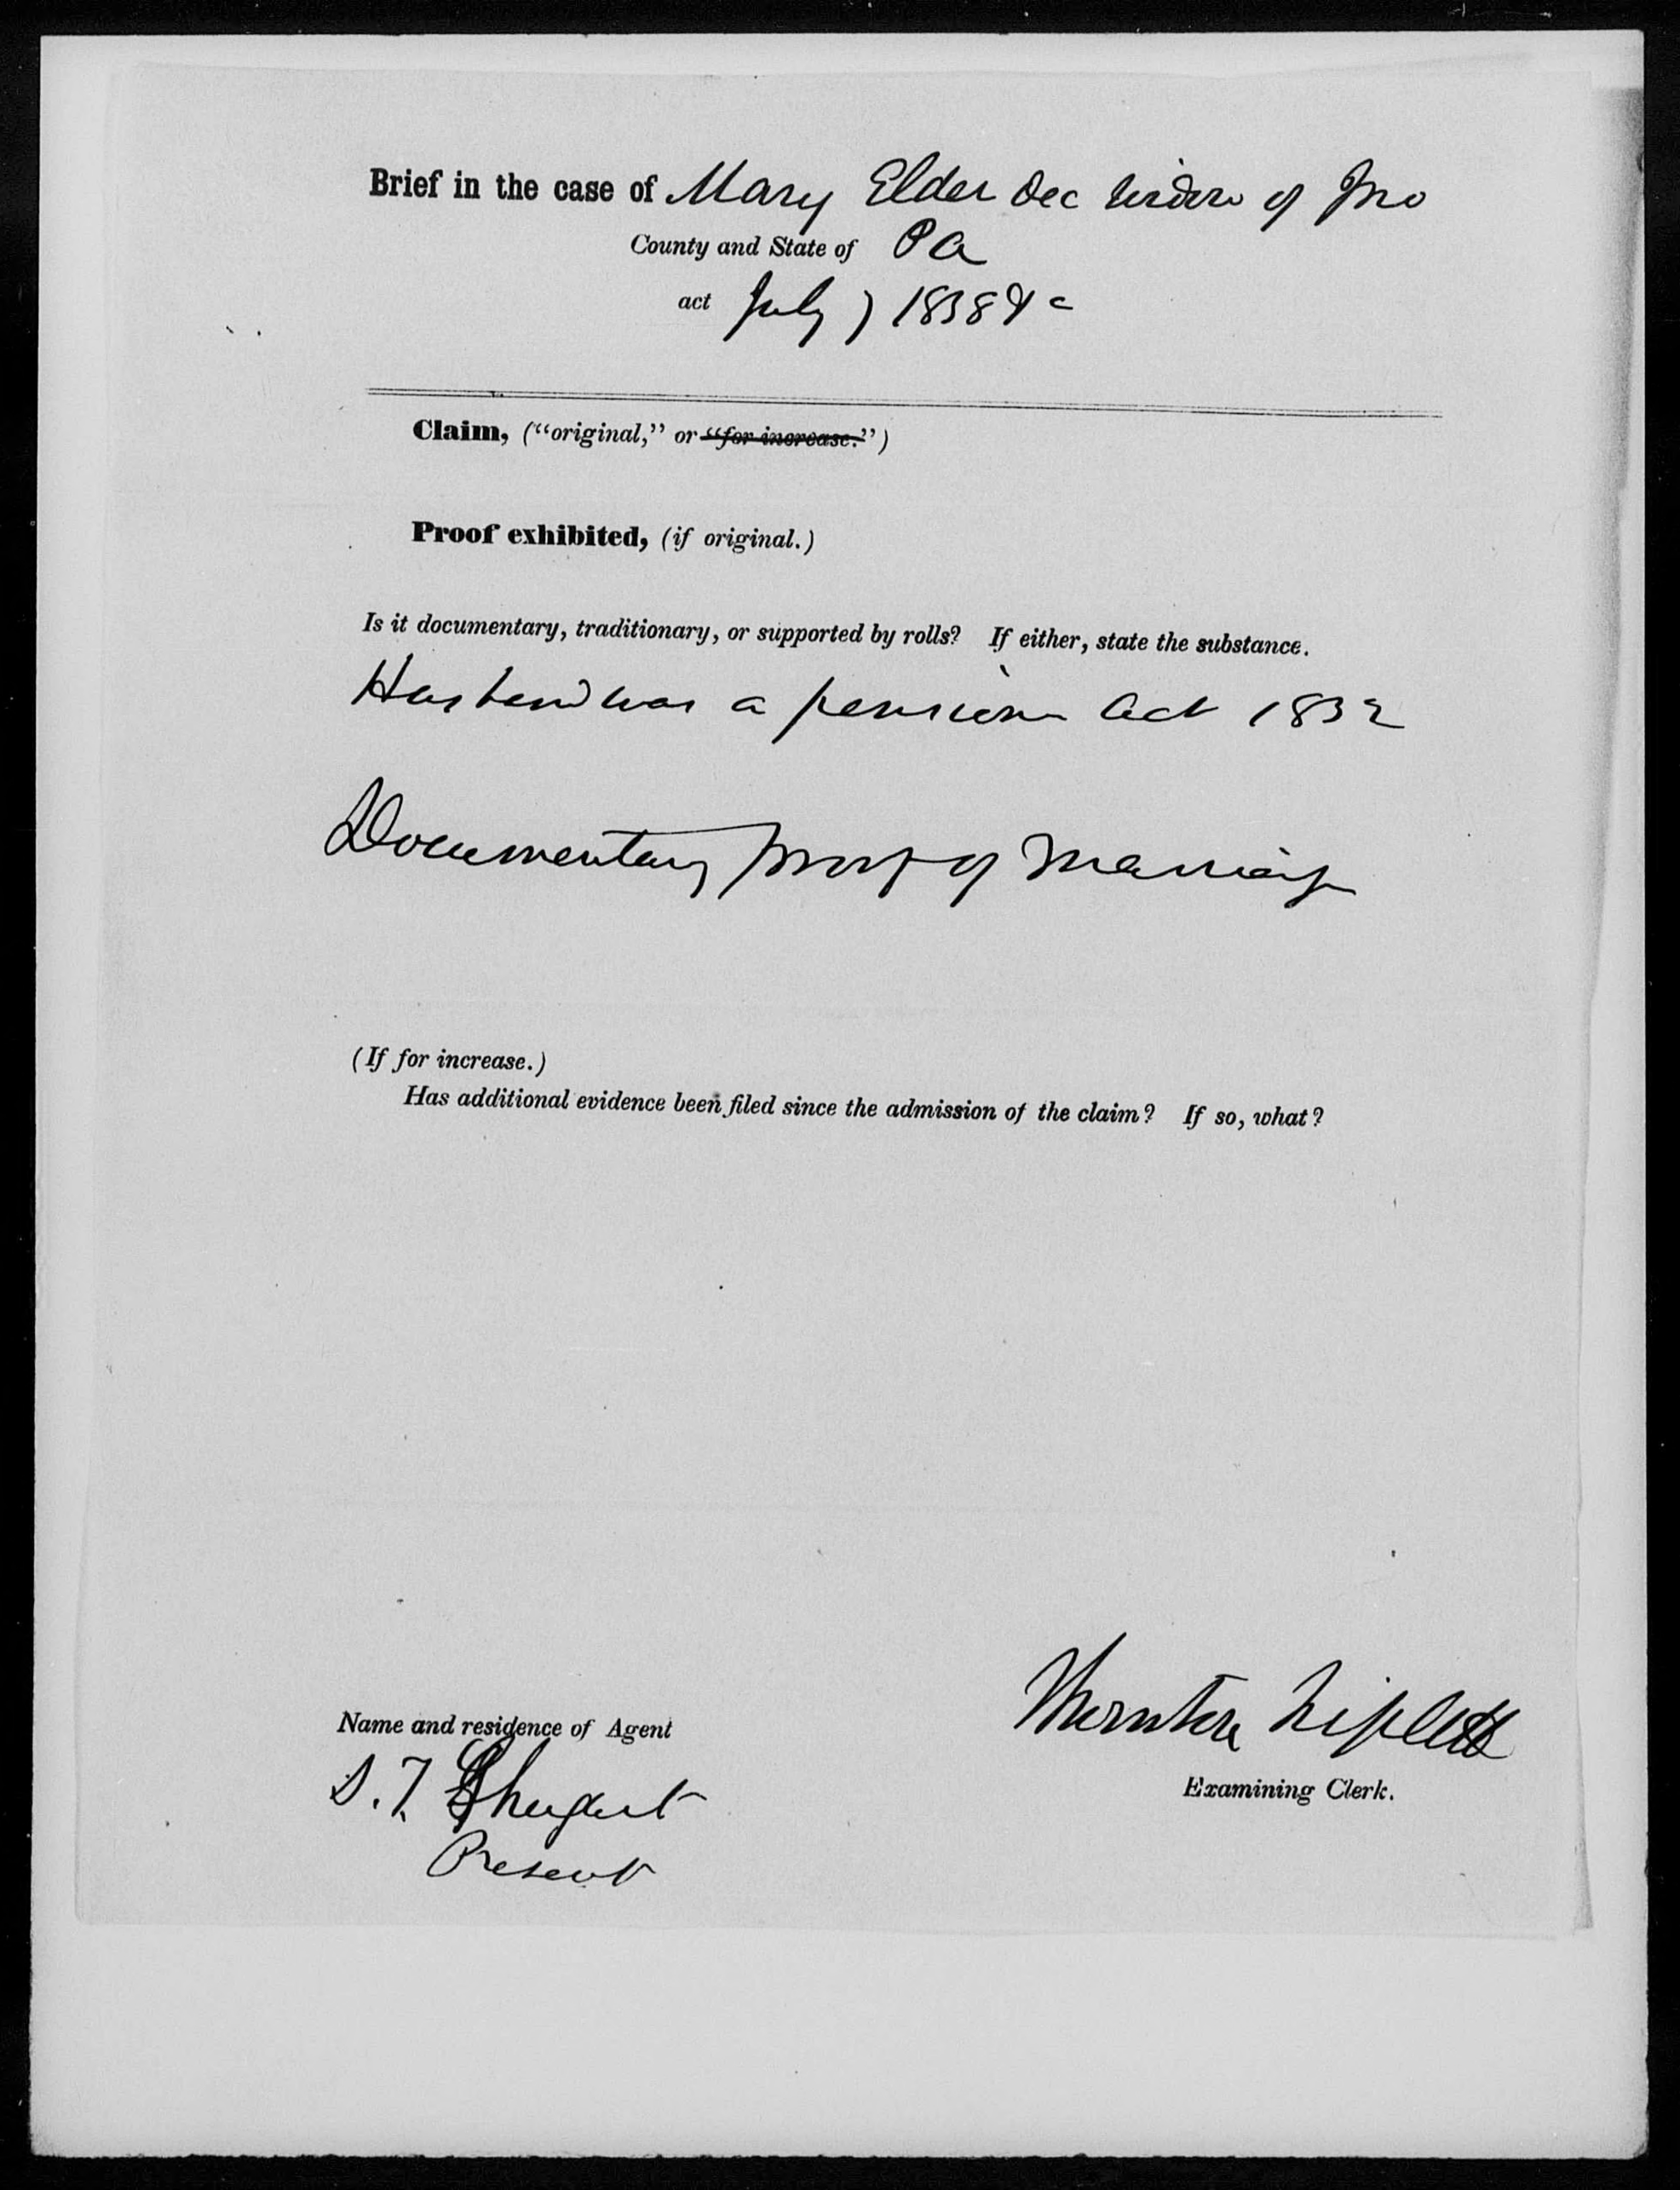Brief in the case of Mary Elder Dec widow of Jon
County and State of Pa
Act July 7 1839 &c
—————————————————————-
Claim, (original, or “for increase.” Which was lined through.
Proof exhibited, (if original.)
Is it documentary, traditionally, or supported by rolls? If either, state the substance.
Has been was a pension Act 1832
Documentary (two words not very legible, but I believe Mary and the second word was not legible.
(If for increase.)
Has additional evidence been filed since the admission of the claim?  If so, what?

Name and residence of Agent
S.T. Shrugart.           Thornton Triplett
 Present.                    Examining Clerk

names: Mary Elder, Jno Elder, S T Shugart, Thornton Triplett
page: 30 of 80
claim: widow's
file: W. 24117, John Elder, Penn.